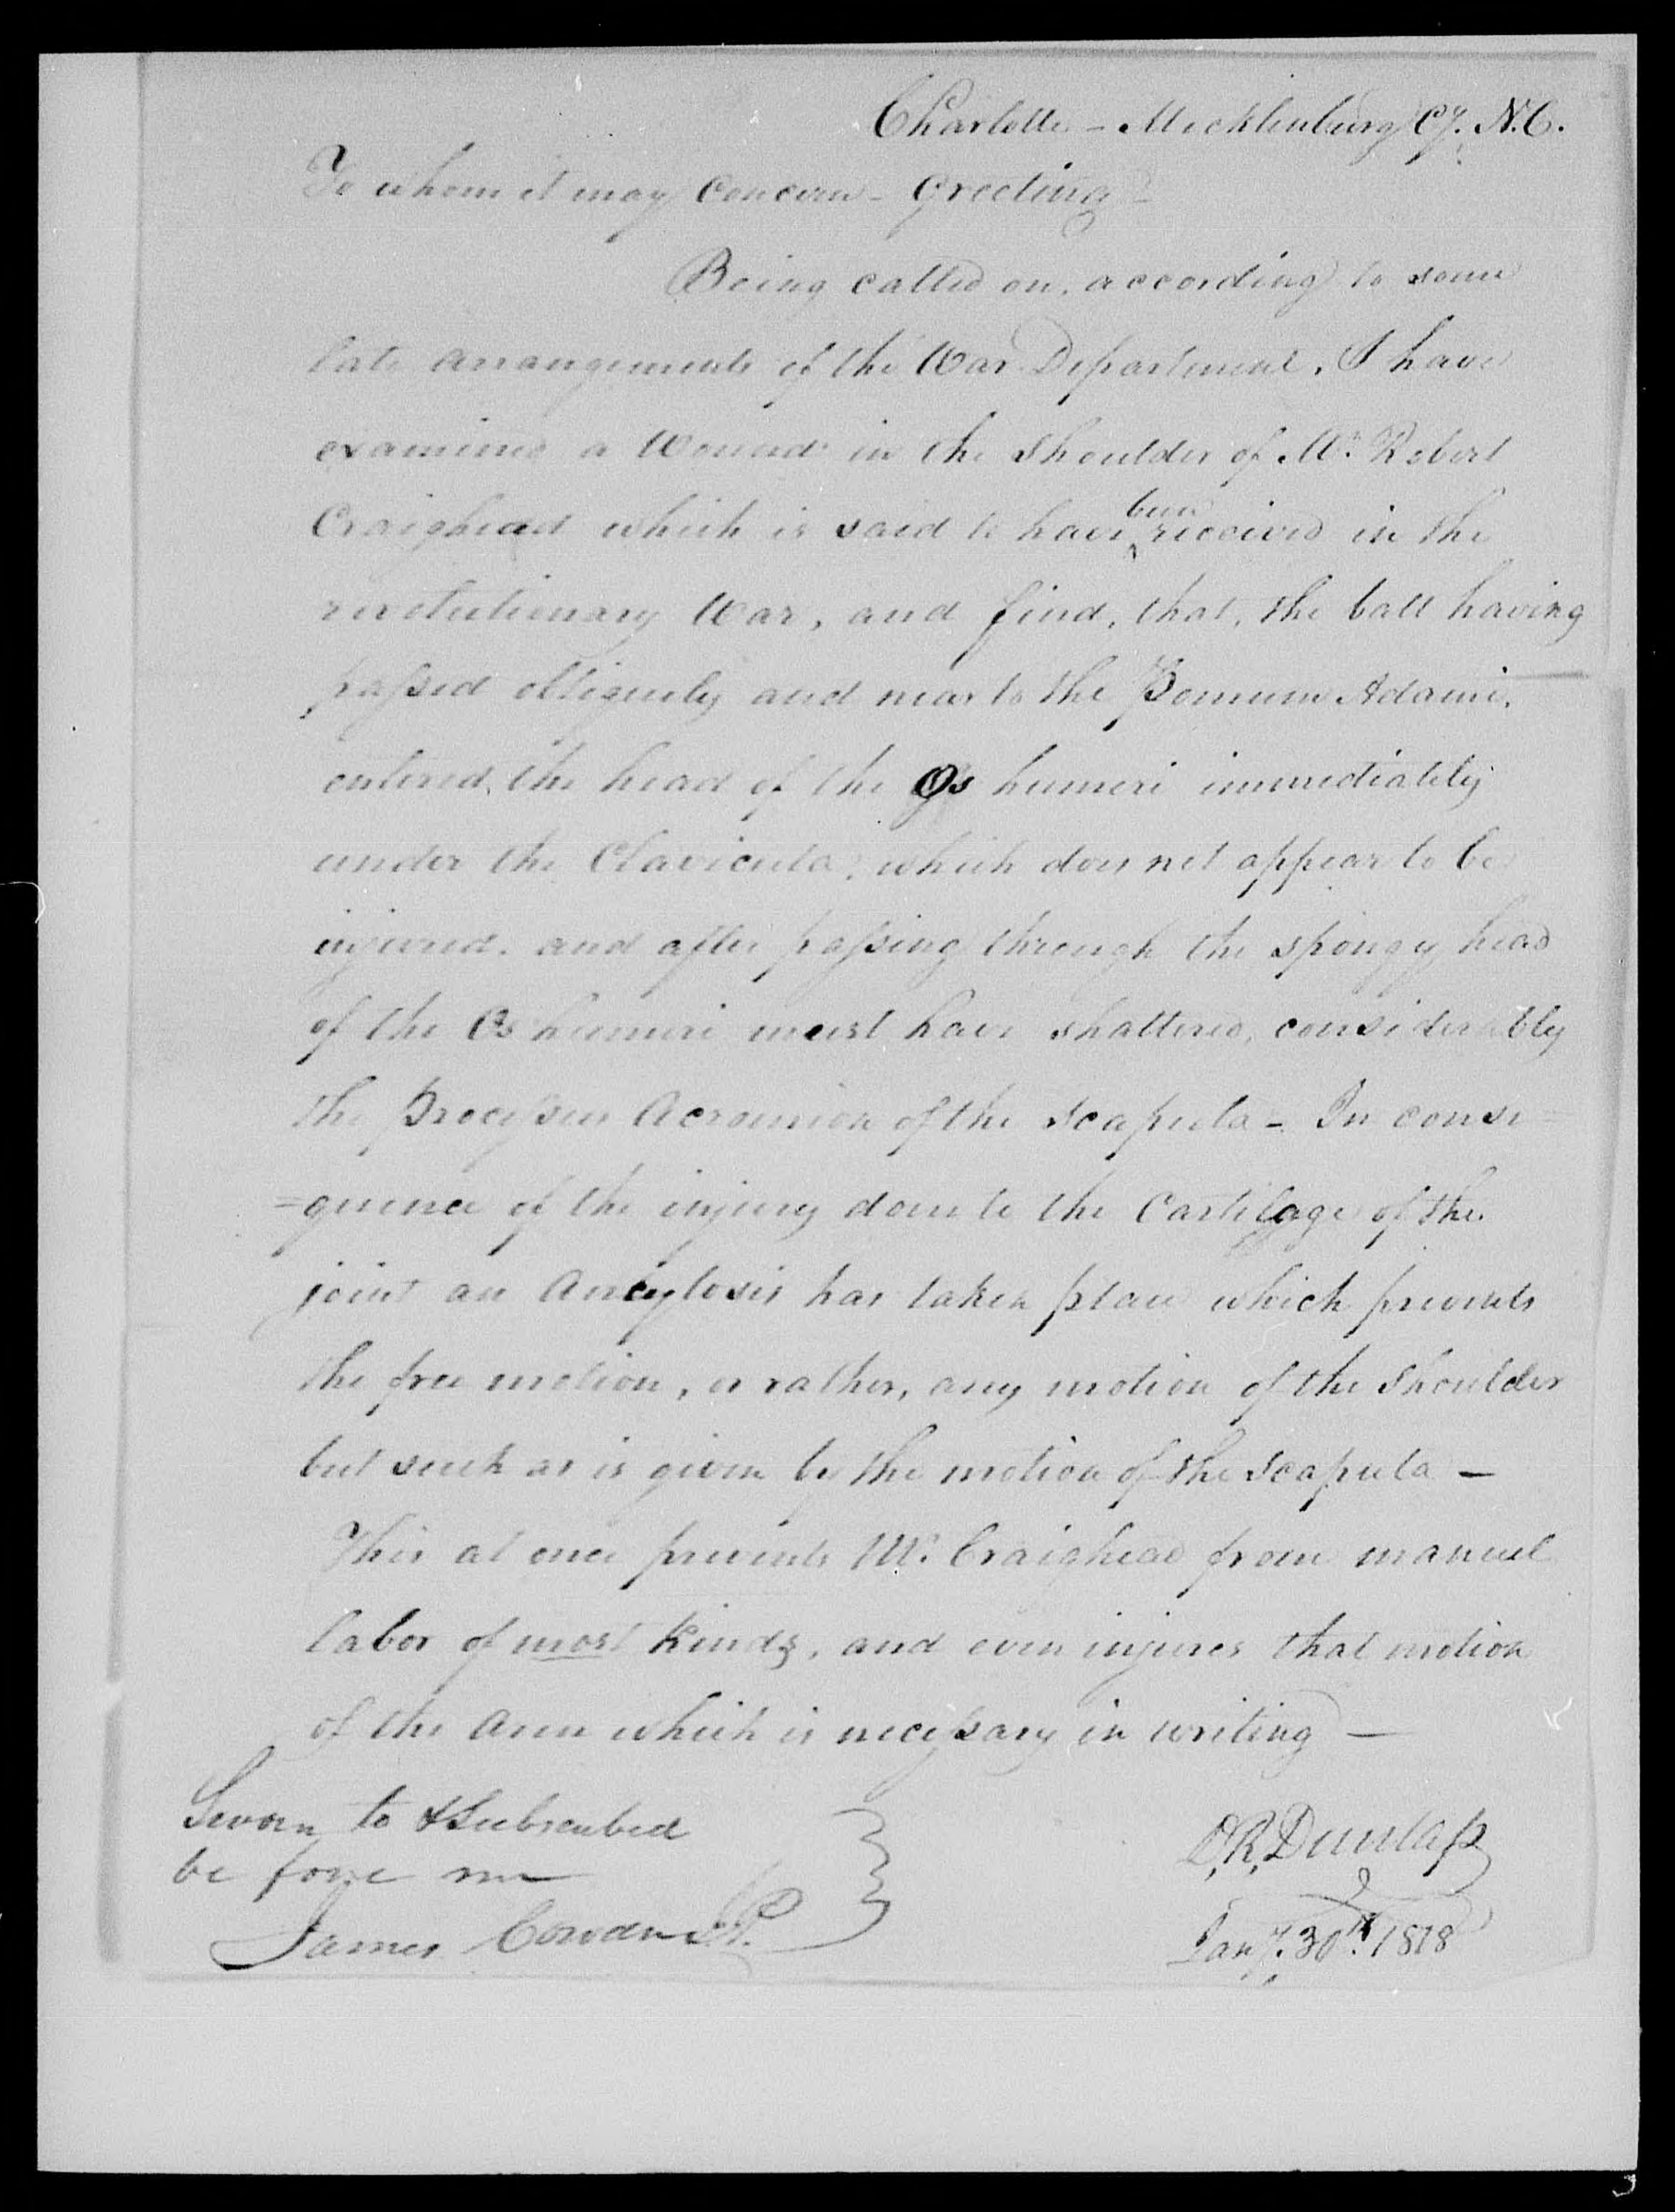Charlotte Mecklenburg County North Carolina
To whom it may concern greeting
Being called on according to some
late arangements of the War Department, I have
examined a wound in the Shoulder of Mr. Robert
Craighead which is said to have received in the
revolutionary War, and find that the ball having
passed obliquely and near to the [illegible] Adami
entered the head of the os humeri immediately
under the clavicula, which does not appear to be
injured, and after passing through the spongy head of
the os humeri must have shattered, considerably
the processus acromion of the scapula. In consequence 
of the injury done to the Cartilage of the
joint an Ankylosis has taken place which prevents
the free motion, or rather, any motion of the Shoulder
but such as is given to the motion of the scapula-
This at once prevents Mr Craighead from manuel
labor of most kinds, and even injures that motion
of the Arm which is necessary in writing -
Sworn to and Subscribed
before me
James Cowan Justice of the Peace
D. R. Dunlap
January 30th 1818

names: D R Dunlap, Robert Craighead, James Cowan, Craighead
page: 6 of 26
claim: survivor's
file: S. 352, Robert Craighead, N.C.